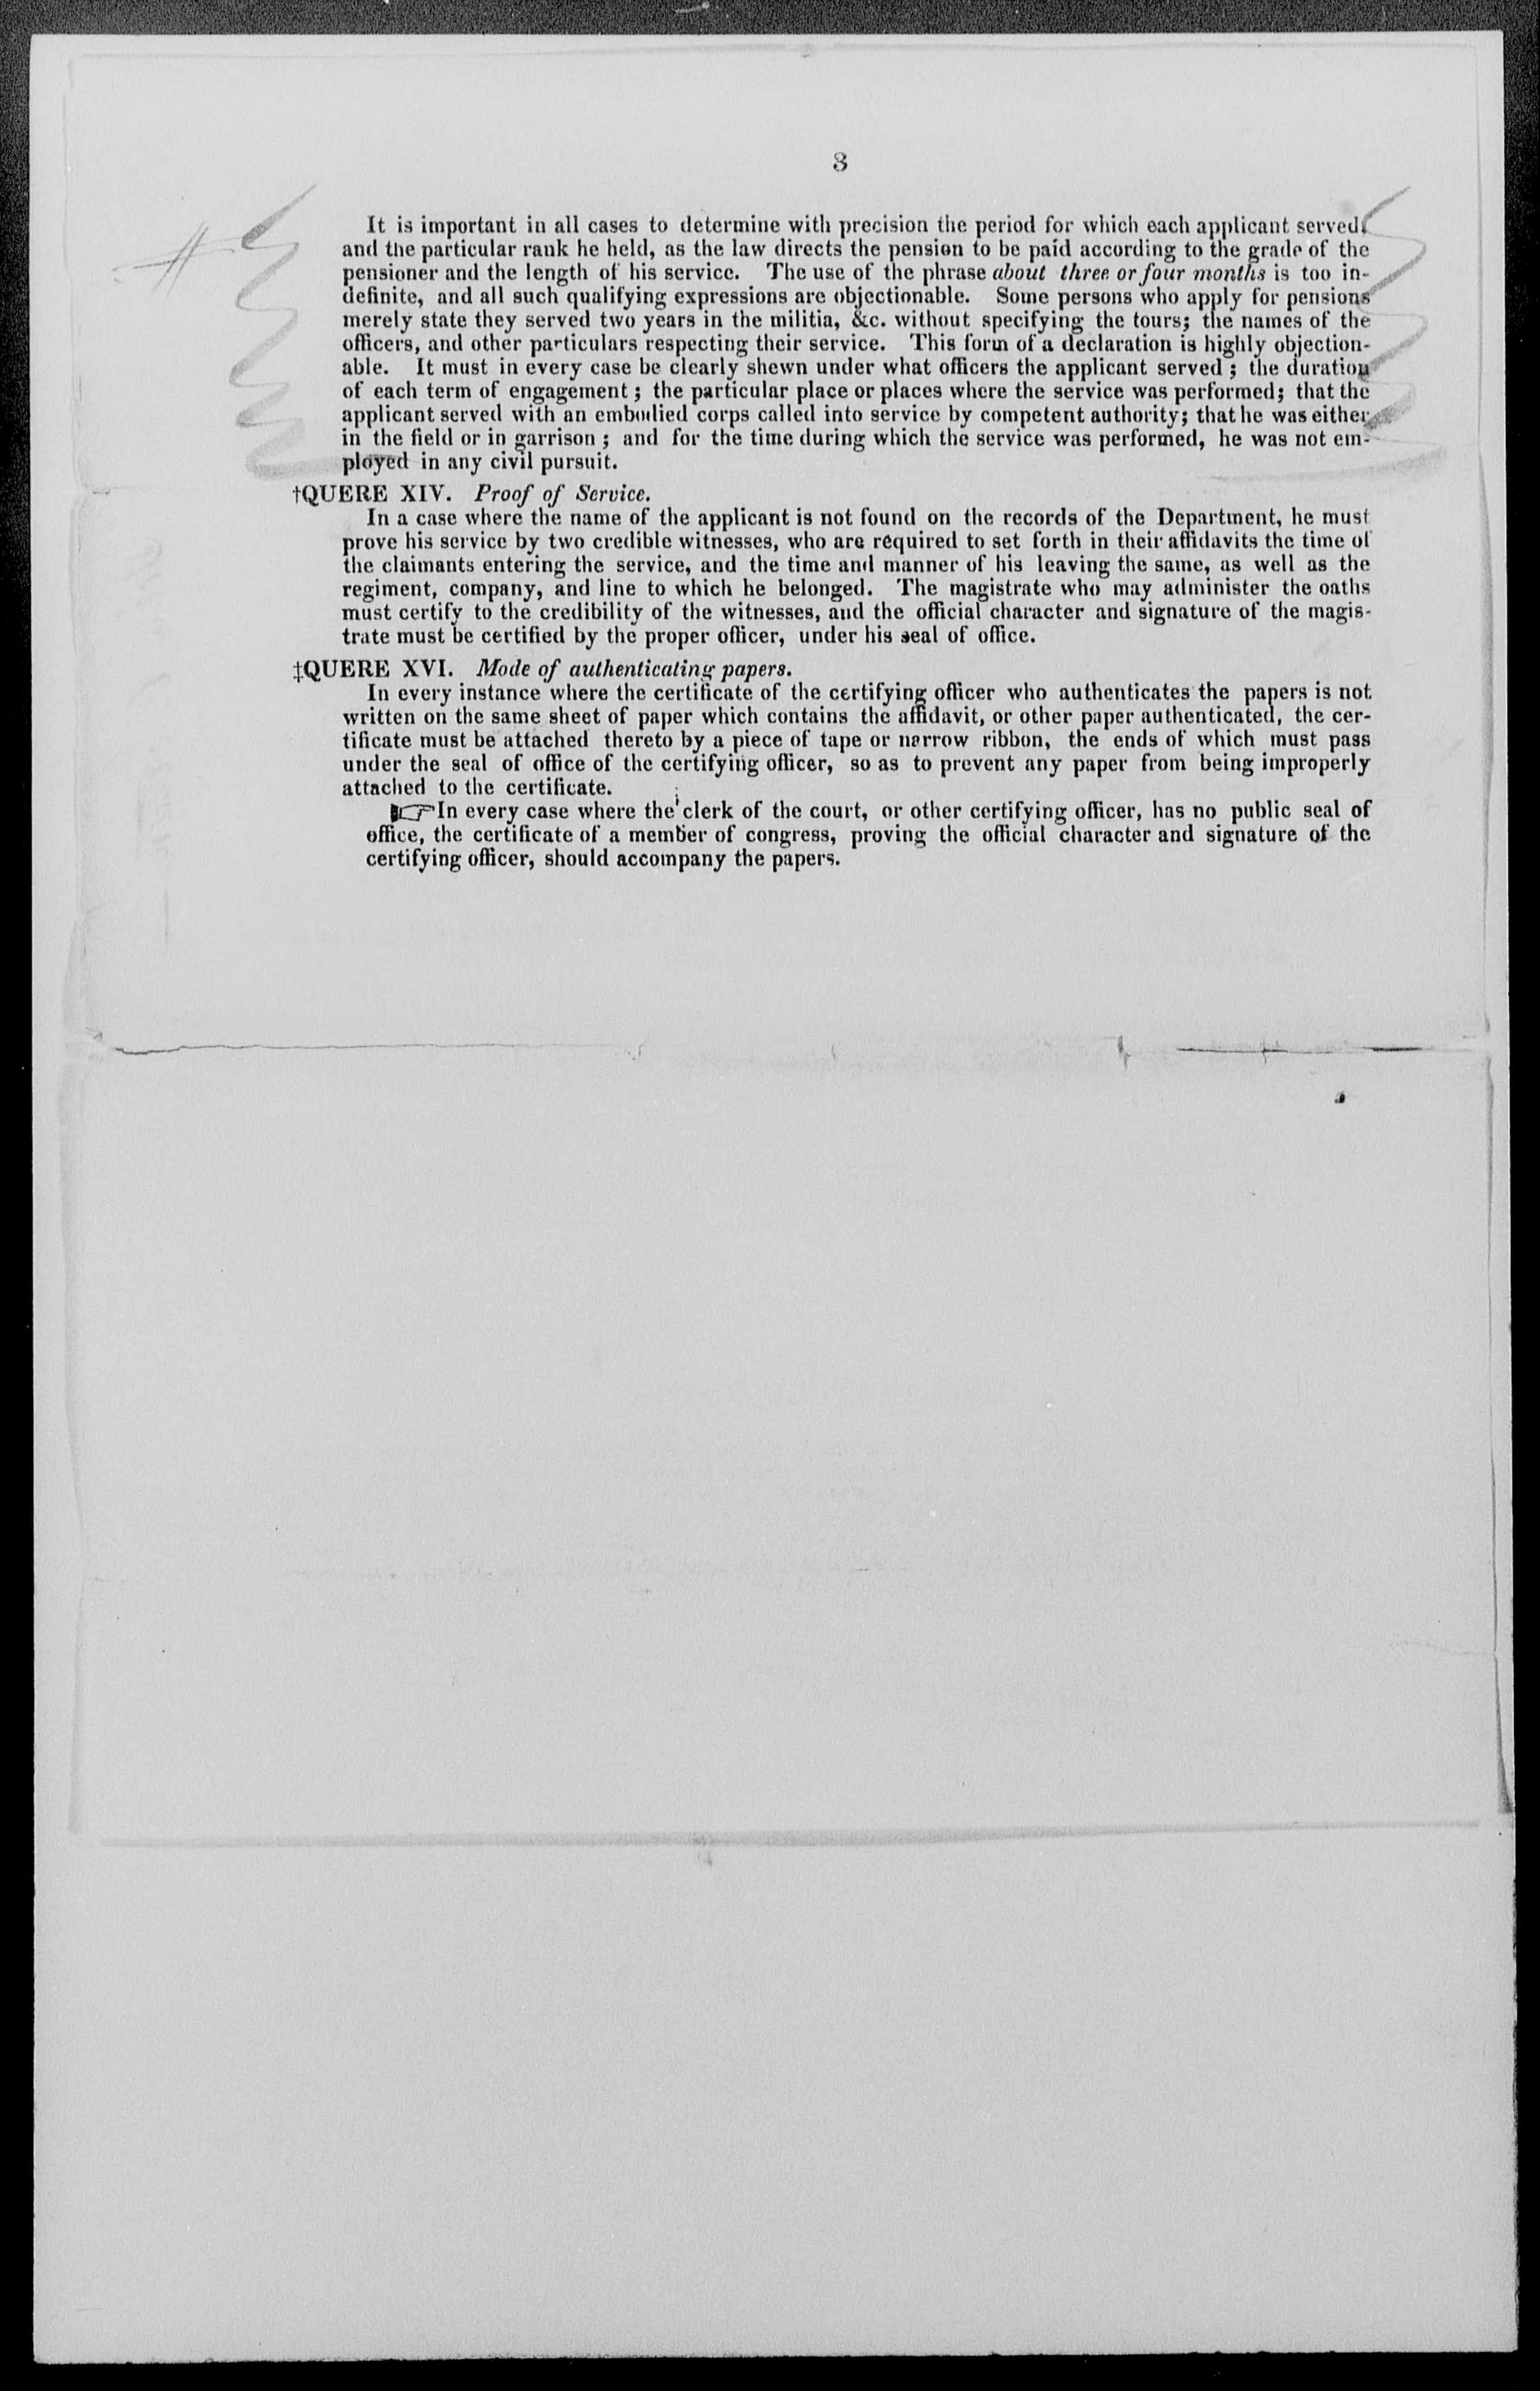3
[More explanatory notes with no reason to transcribe.]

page: 17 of 22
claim: survivor's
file: S. 31,517, John Allbritton, S.C.